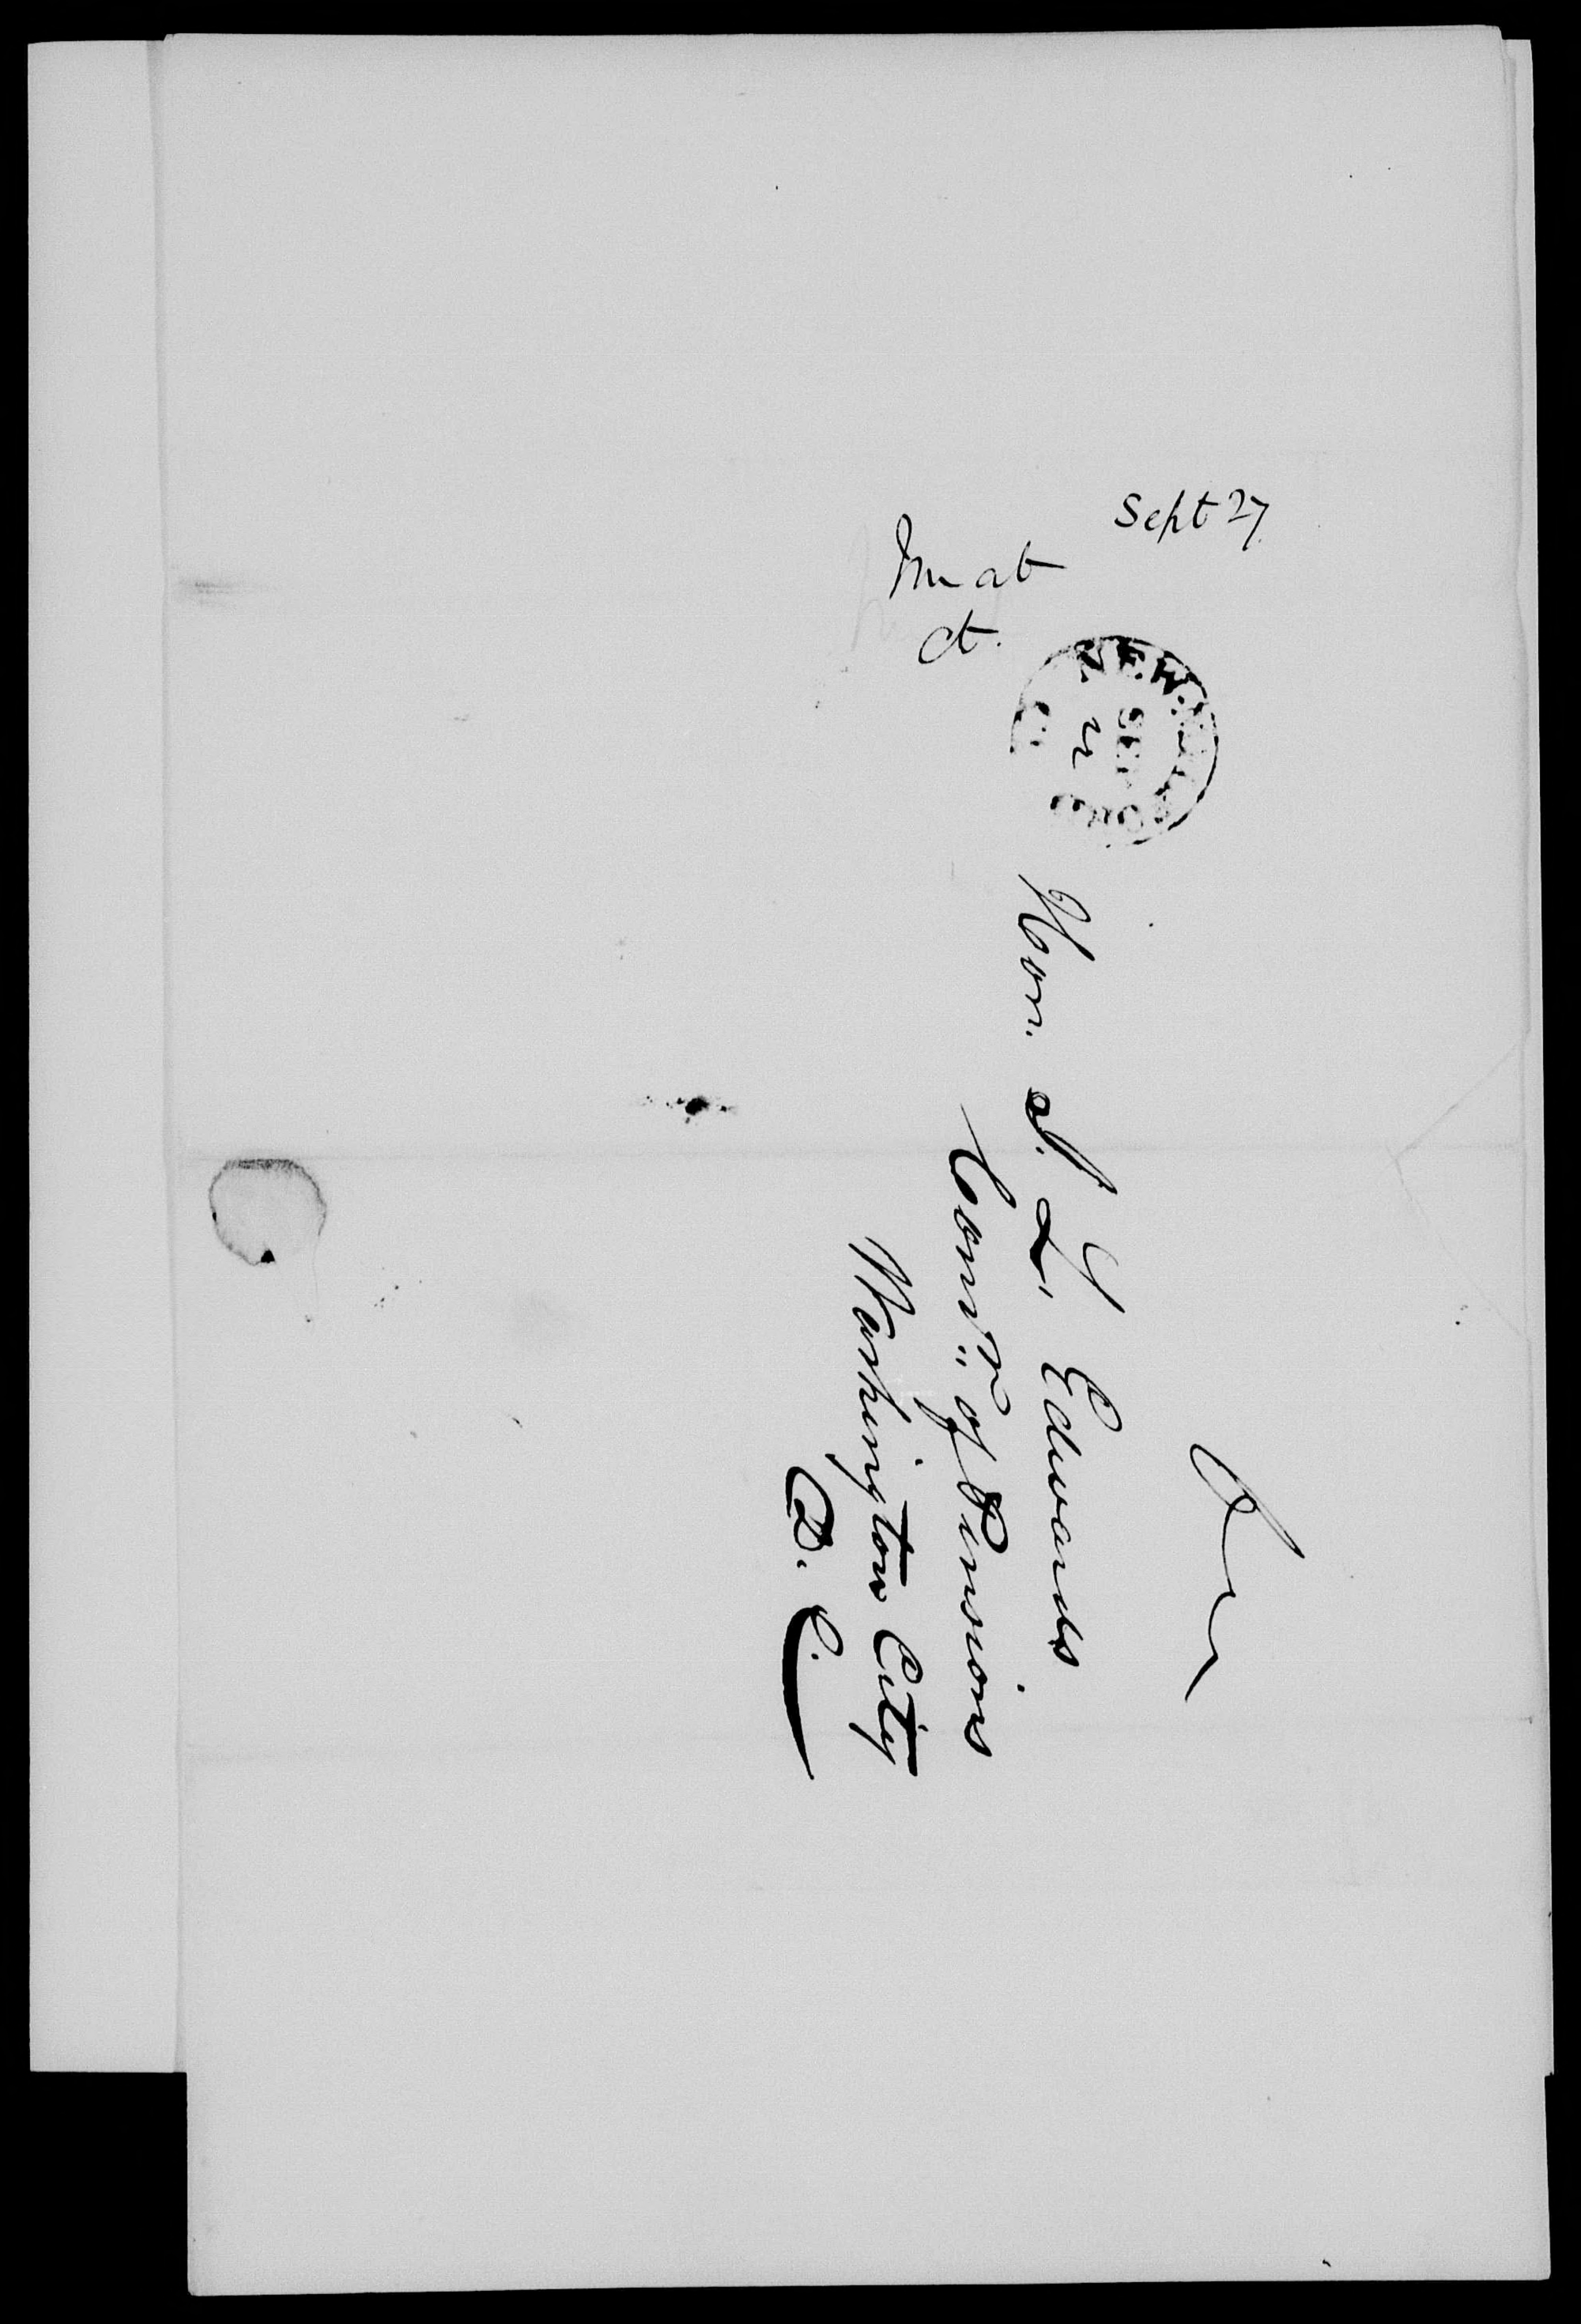Sept 27

Imab
Ct
[stamped - NEW Milford Sep 22]

Hon. J. L. Edwards
Comr of Pensions
Washington City
D.C.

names: J L Edwards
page: 20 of 39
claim: survivor's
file: S. 12110, Isaac Bartram, Continental (Conn)